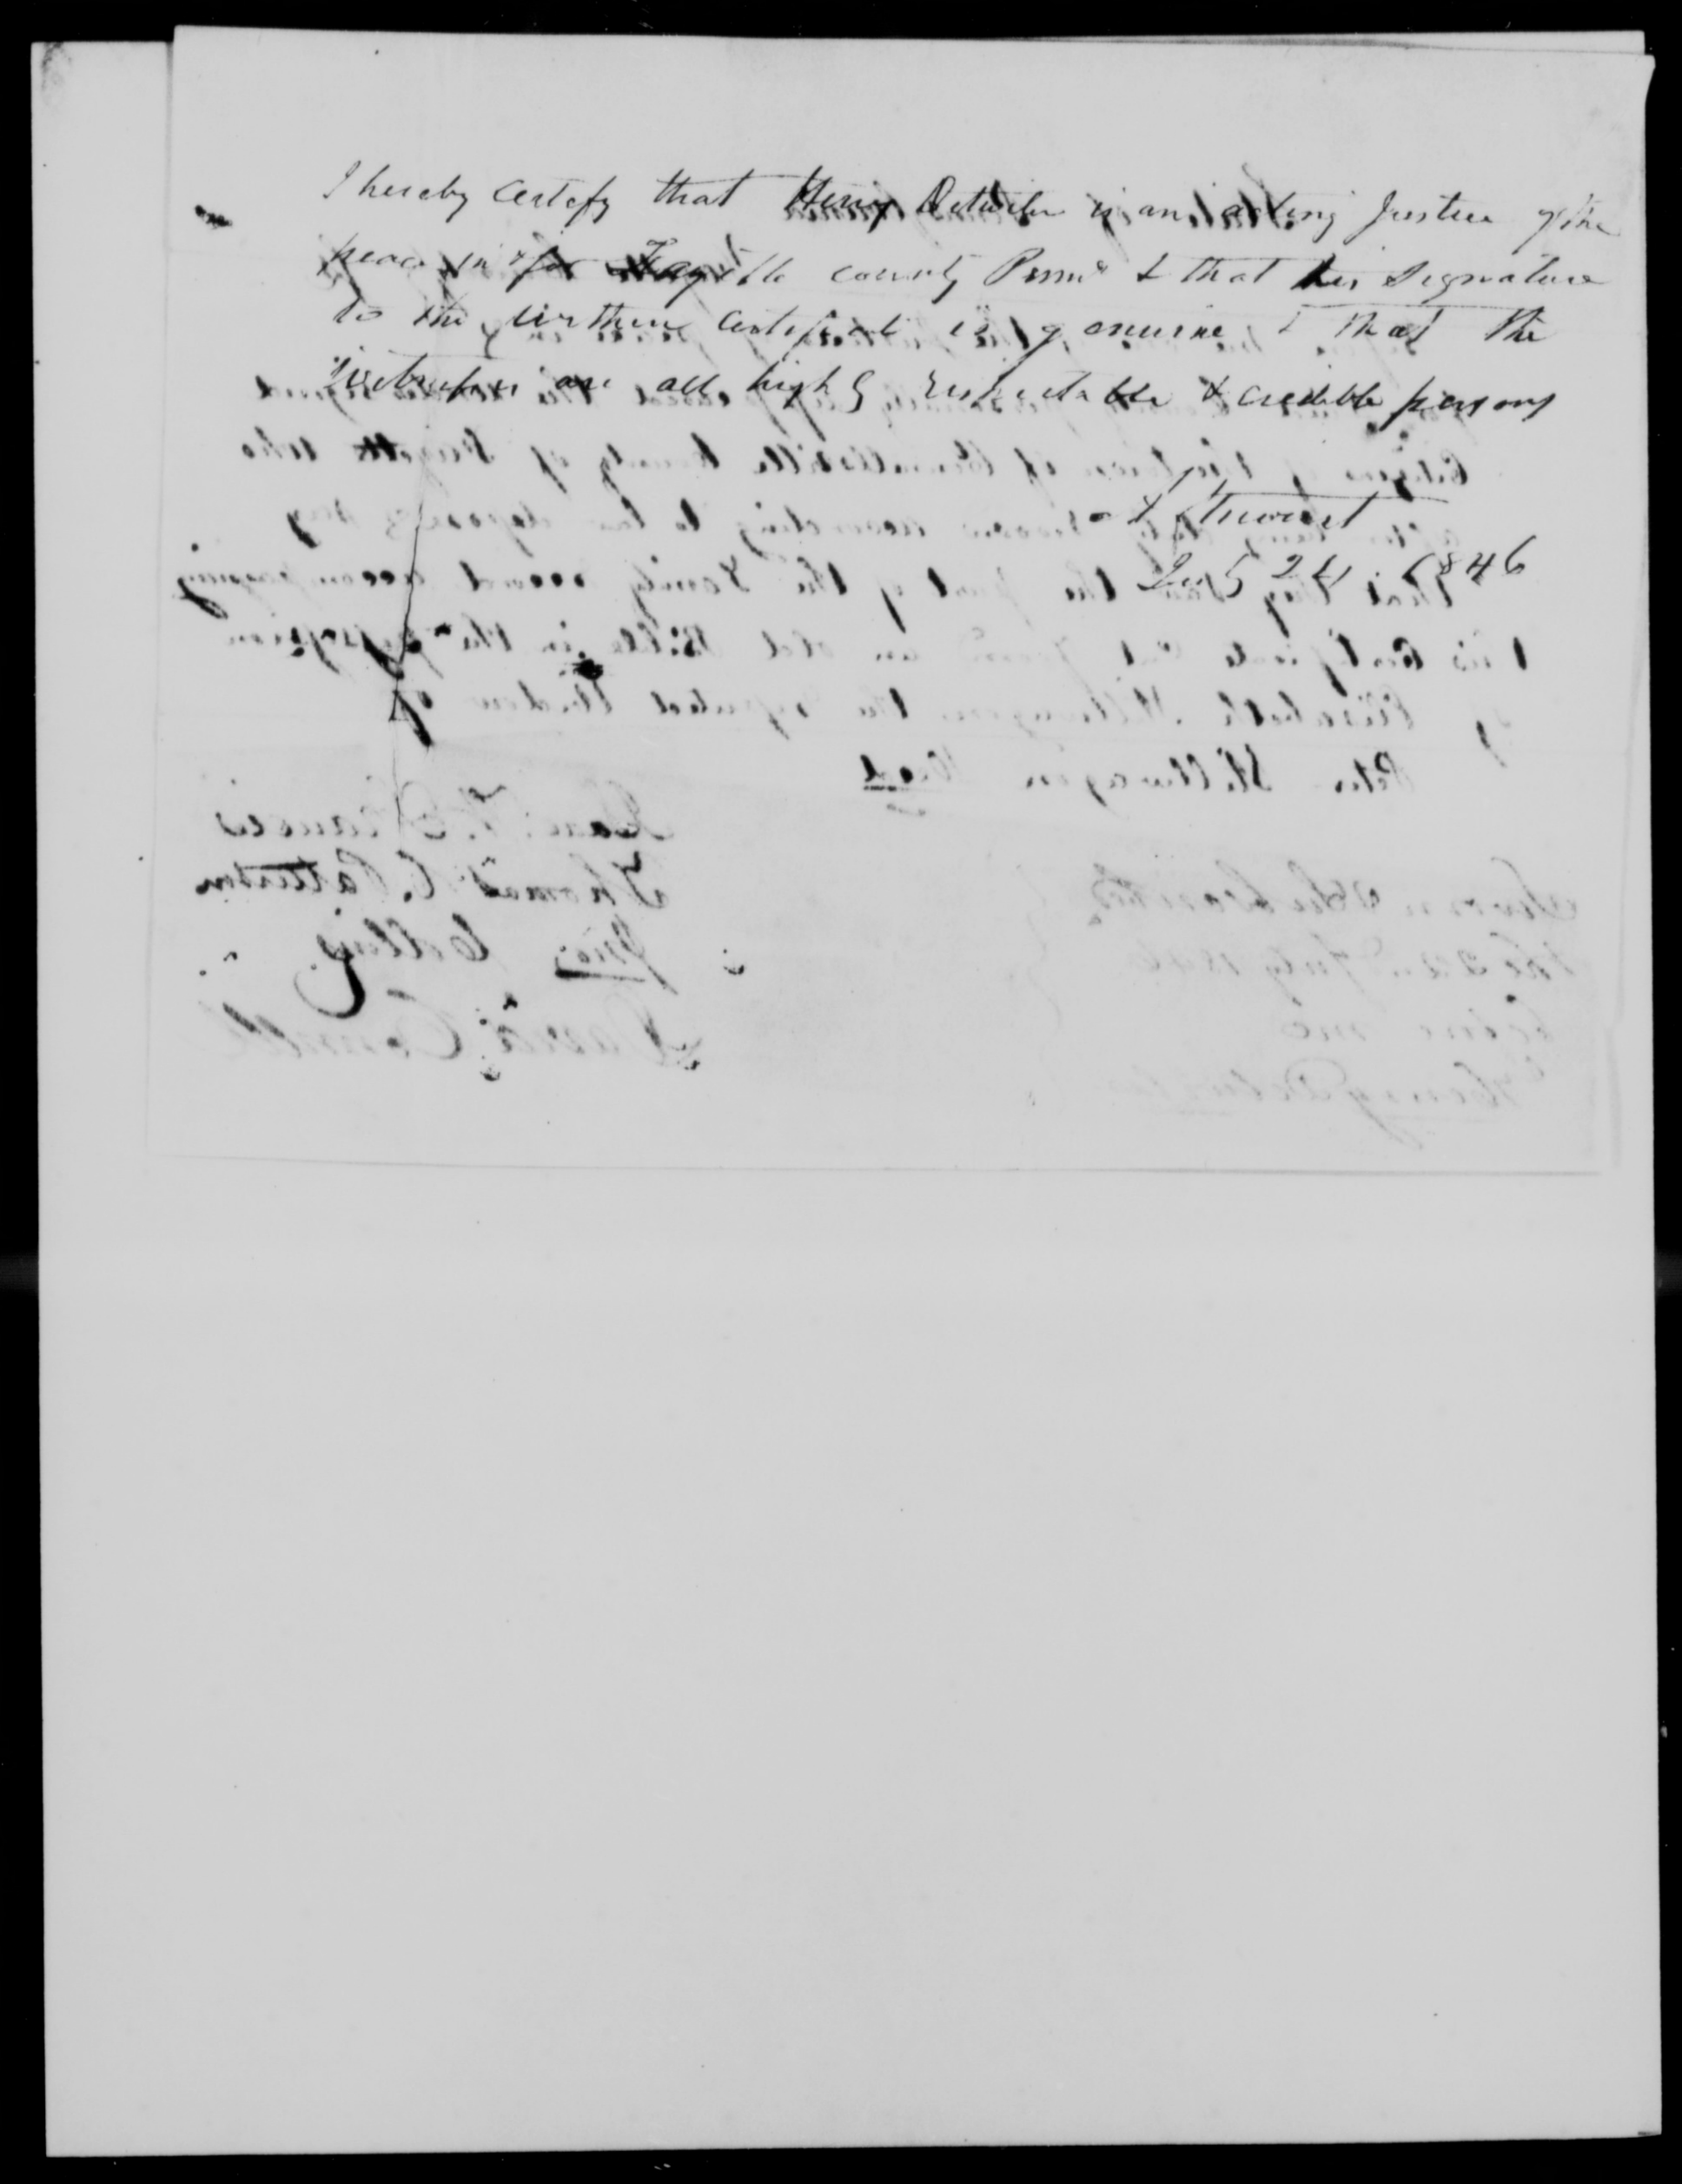I hereby certify that Henry Detwiler is an acting Justice of the peace in & for Fayette county Penn & that his signature to the written certificate is genuine That the witnesses are all highly respectable & credible persons

July 24 1846
[ink from previous page bled through this document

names: A Stewart; Henry Detwiler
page: 10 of 73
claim: widow's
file: W. 3197, for Peter Stillwagon, New Jersey